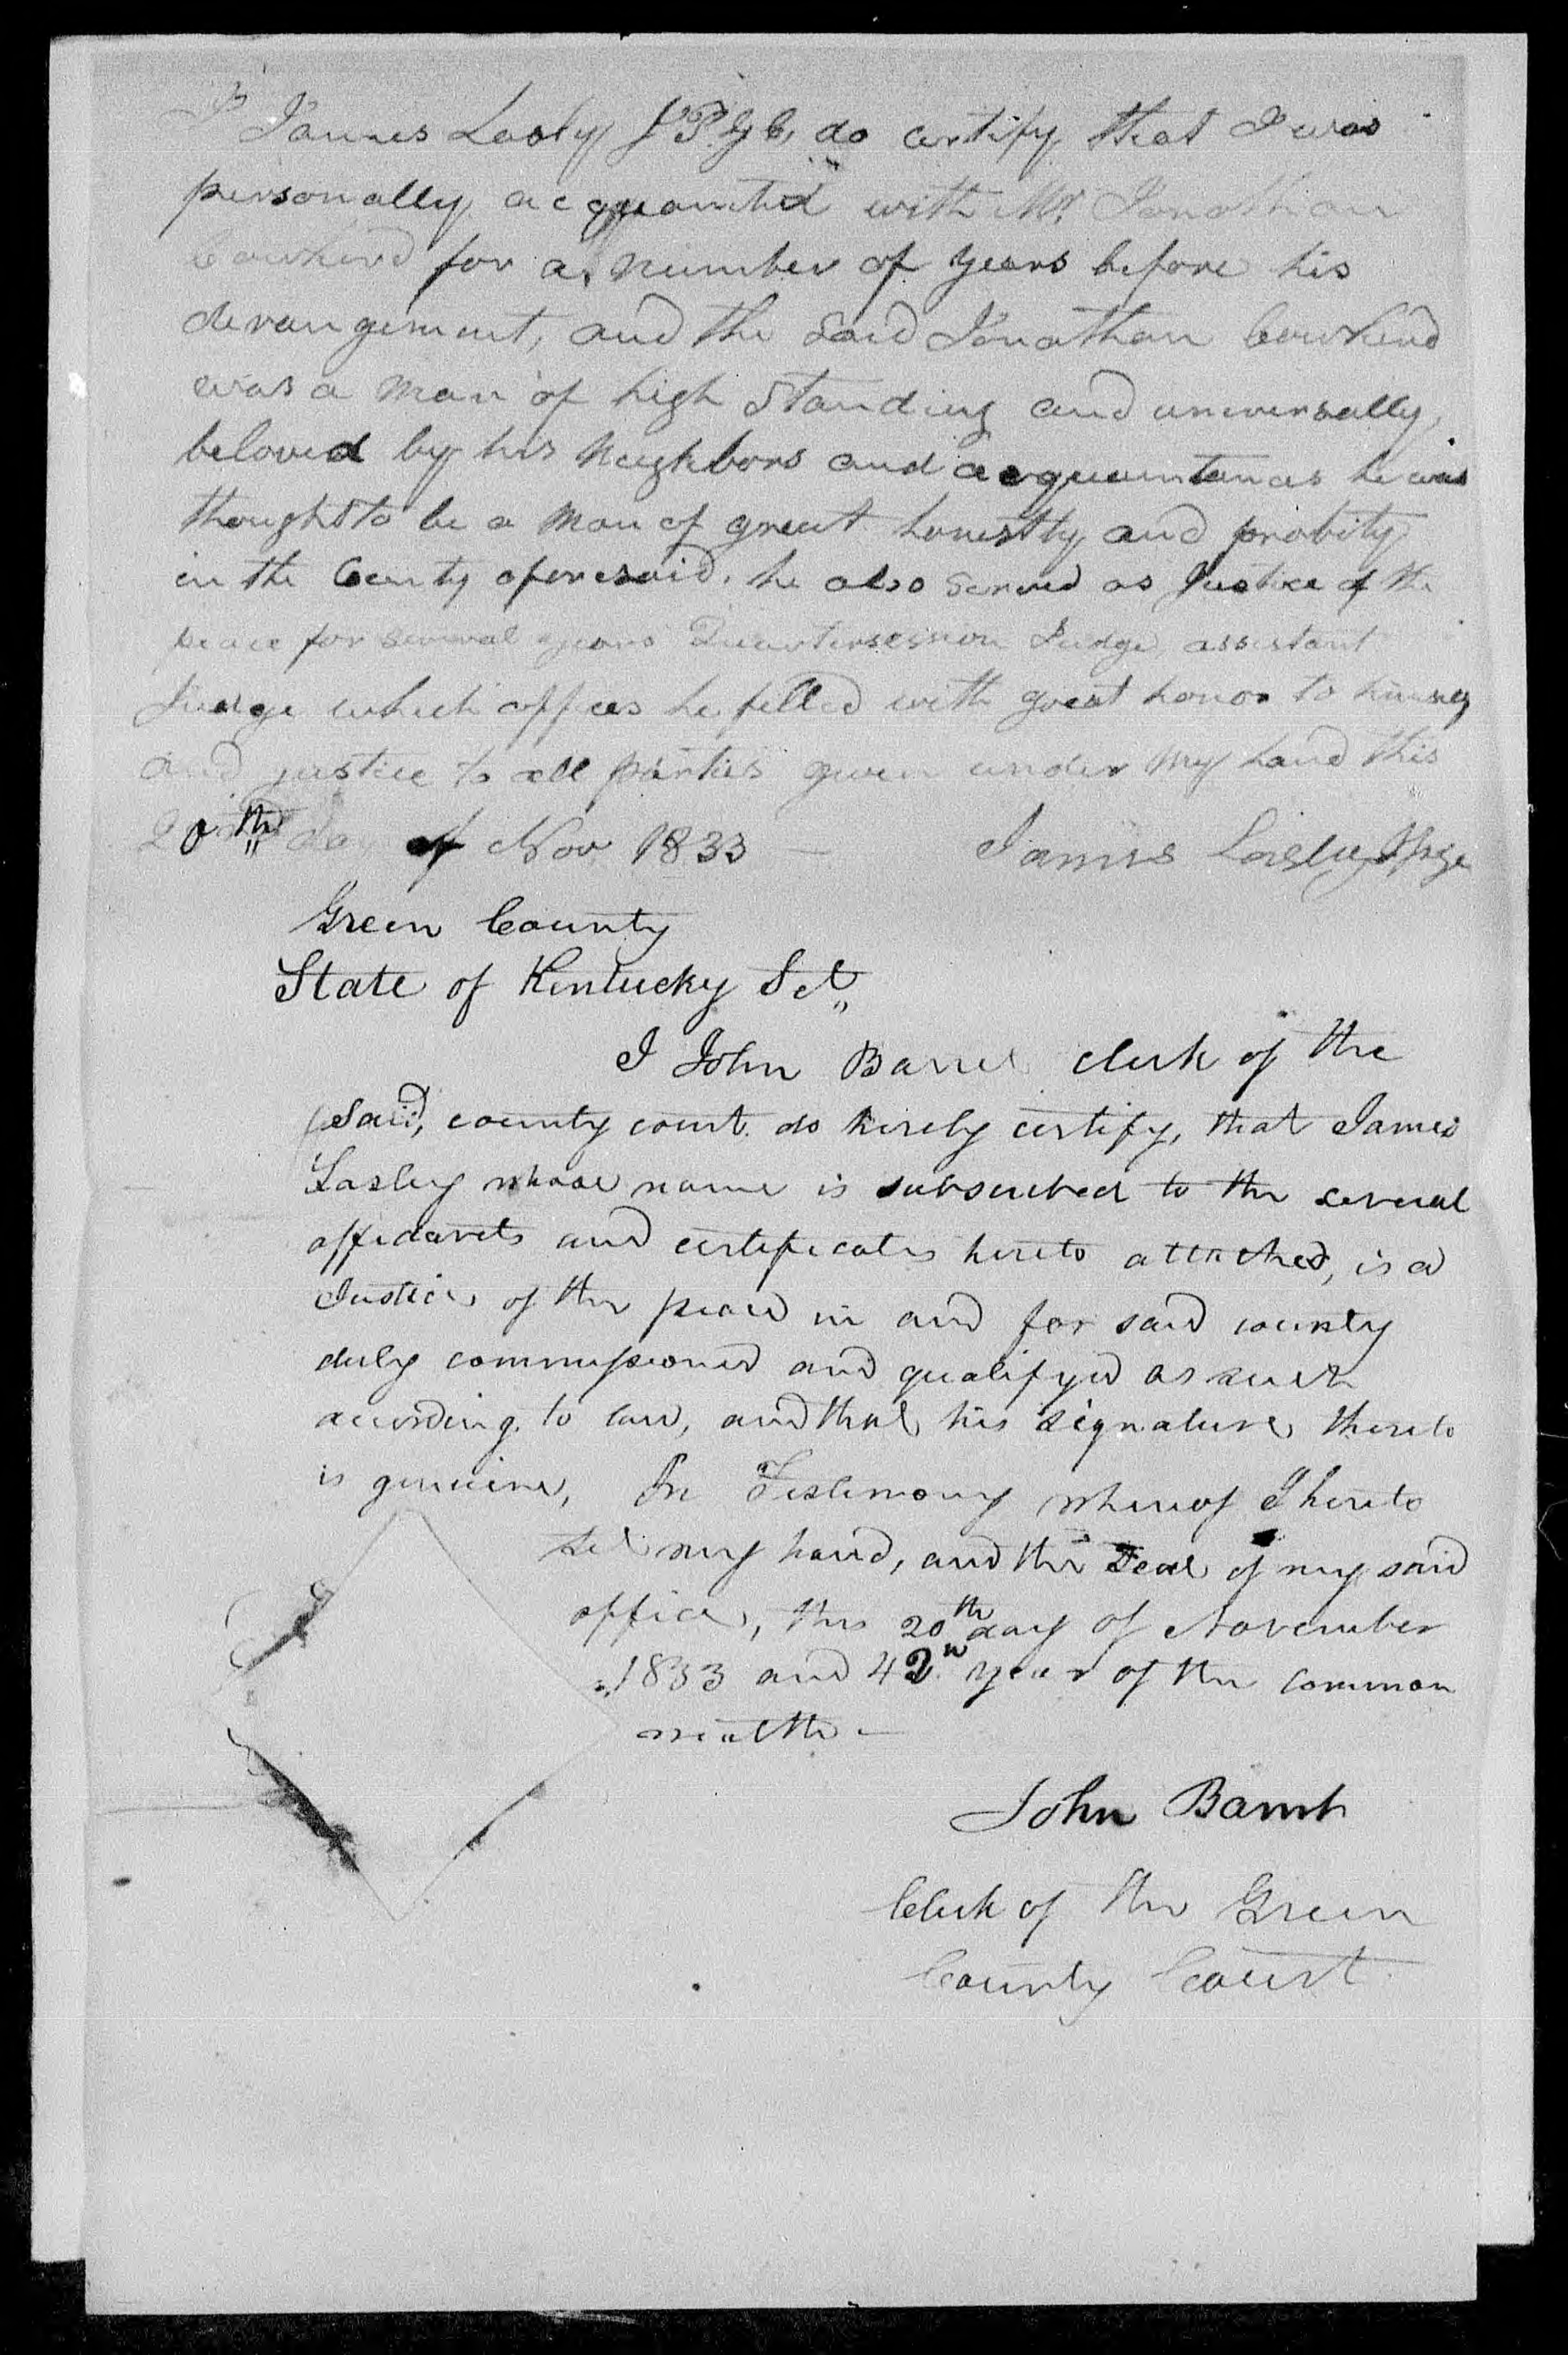James Lasley JPGC [Justice of the Peace Green County] do certify that I was personally acquainted with Mr Jonathan Cowherd for a number of years before his derangement, and the said Jonathan Cowherd was a man of high standing and universally beloved by his neighbors and acquaintances he was
thought to be a man of great honestly and probity in the County aforesaid, he also served as Justice of the peace for several years Quartersession Judge, assistant Judge which offices he filled with great honor to himself
and justice to all parties given under my hand this 20th day of Nov 1833
James Lasley
Green County
State of Kentucky Sct

I John Barret Clerk of the said county court do hereby certify, that James Lasley whose name is subscribed to the several affidavit and certificates hereto attached, is a Justice of the peace in and for said county duly commissioned and qualified as such
according to law, and that his signature thereto is genuine. In Testimony whereof I hereto set my hand, and the seal of my said
office, this 20th day of November
1833 and 42nd year of the commonwealth-
John Barret
Clerk of the Green
County Court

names: James Lasley, Jonathan Cowherd, Jonathan Cowherd, James Lasly, John Barret, James Lasley, John Barret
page: 29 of 46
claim: widow's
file: W 8619, Jonathan Cowherd, Va.